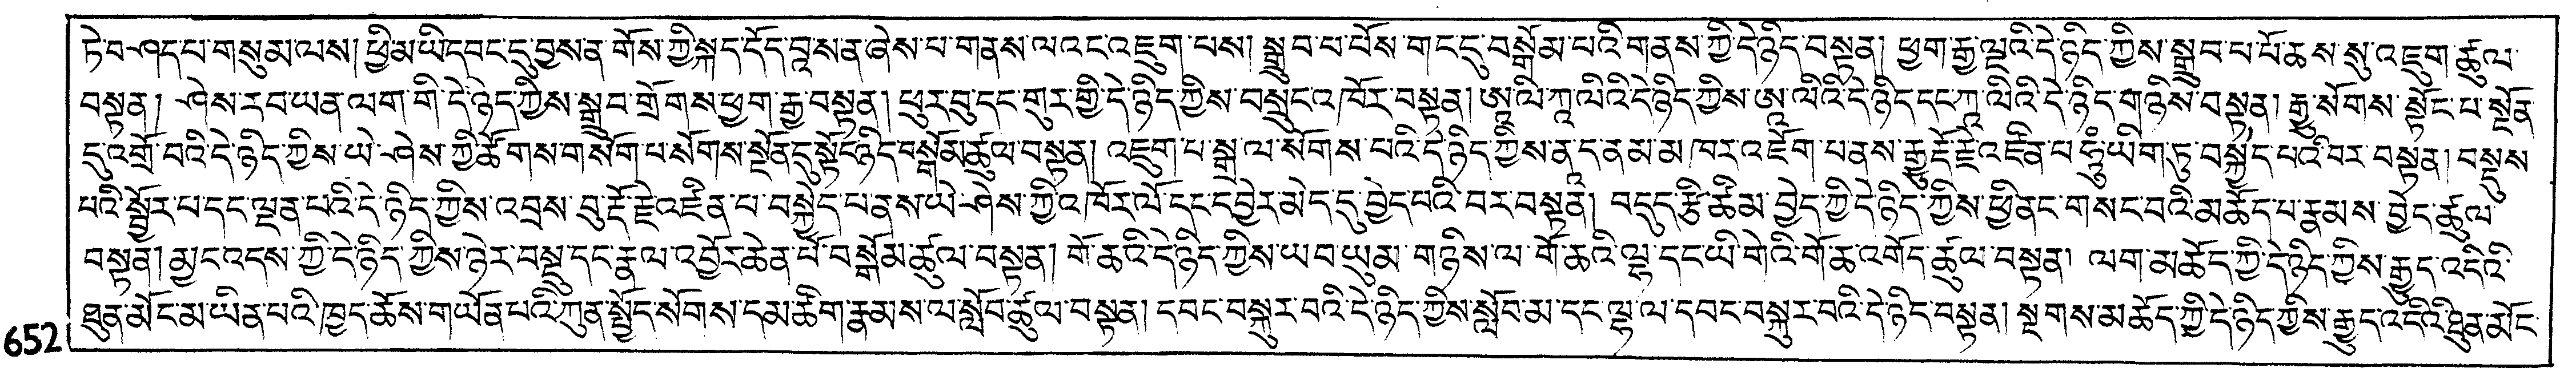ཏེ་བཤད་པ་གསུམ་ལས། ཕྱི་མ་ཡི་དབང་དུ་བྱས་ན་གོས་ཀྱི་སྐད་དོད་བཱ་ས་ན་ཞེས་པ་གནས་ལའང་འཇུག་པས། སྒྲུབ་པ་པོས་གང་དུ་བསྒོམ་པའི་གནས་ཀྱི་དེ་ཉིད་བསྟན། ཕྱག་རྒྱ་ལྔའི་དེ་ཉིད་ཀྱིས་སྒྲུབ་པ་པོ་ཆས་སུ་འཇུག་ཚུལ་
བསྟན། ཤེས་རབ་ཡན་ལག་གི་དེ་ཉིད་ཀྱིས་སྒྲུབ་གྲོགས་ཕྱག་རྒྱ་བསྟན། ཕུར་བུ་དང་གུར་གྱི་དེ་ཉིད་ཀྱིས་བསྲུང་འཁོར་བསྟན། ཨཱ་ལི་ཀཱ་ལིའི་དེ་ཉིད་ཀྱིས་ཨཱ་ལིའི་དེ་ཉིད་དང་ཀཱ་ལིའི་དེ་ཉིད་གཉིས་བསྟན། རྒྱུ་སོགས་སྟོང་པ་སྔོན་
དུ་འགྲོ་བའི་དེ་ཉིད་ཀྱིས་ཡེ་ཤེས་ཀྱི་ཚོགས་གསོག་པ་སོགས་སྔོན་དུ་སྟོང་ཉིད་བསྒོམ་ཚུལ་བསྟན། འཇུག་པ་སྒྲ་ལ་སོགས་པའི་དེ་ཉིད་ཀྱིས་ནཱ་ད་ནམ་མཁར་འཇོག་པ་ནས་རྒྱུ་རྡོ་རྗེ་འཛིན་པ་ཧཱུཾ་ཡིག་ཏུ་བསྐྱེད་པའི་བར་བསྟན། བསྡུས་
པའི་སྦྱོར་པ་དང་ལྡན་པའི་དེ་ཉིད་ཀྱིས་འབྲས་བུ་རྡོ་རྗེ་འཛིན་པ་བསྐྱེད་པ་ནས་ཡེ་ཤེས་ཀྱི་འཁོར་ལོ་དང་དབྱེར་མེད་དུ་བྱེད་པའི་བར་བསྟན། བདུད་རྩི་ཚིམ་བྱེད་ཀྱི་དེ་ཉིད་ཀྱིས་ཕྱི་ནང་གསང་བའི་མཆོད་པ་རྣམས་བྱེད་ཚུལ་
བསྟན། མྱང་འདས་ཀྱི་དེ་ཉིད་ཀྱིས་ཉེར་བསྡུ་དང་རྣལ་འབྱོར་ཆེན་པོ་བསྒོམ་ཚུལ་བསྟན། གོ་ཆའི་དེ་ཉིད་ཀྱིས་ཡབ་ཡུམ་གཉིས་ལ་གོ་ཆའི་ལྷ་དང་ཡི་གེའི་གོ་ཆ་འགོད་ཚུལ་བསྟན། ལག་མཆོད་ཀྱི་དེ་ཉིད་ཀྱིས་རྒྱུད་འདིའི་
ཐུན་མོང་མ་ཡིན་པའི་ཁྱད་ཆོས་གཡོན་པའི་ཀུན་སྤྱོད་སོགས་དམ་ཚིག་རྣམས་ལ་སློབ་ཚུལ་བསྟན། དབང་བསྐུར་བའི་དེ་ཉིད་ཀྱིས་སློབ་མ་དང་ལྷ་ལ་དབང་བསྐུར་བའི་དེ་ཉིད་བསྟན། སྔགས་མཆོད་ཀྱི་དེ་ཉིད་ཀྱིས་རྒྱུད་འདིའི་ཐུན་མོང་